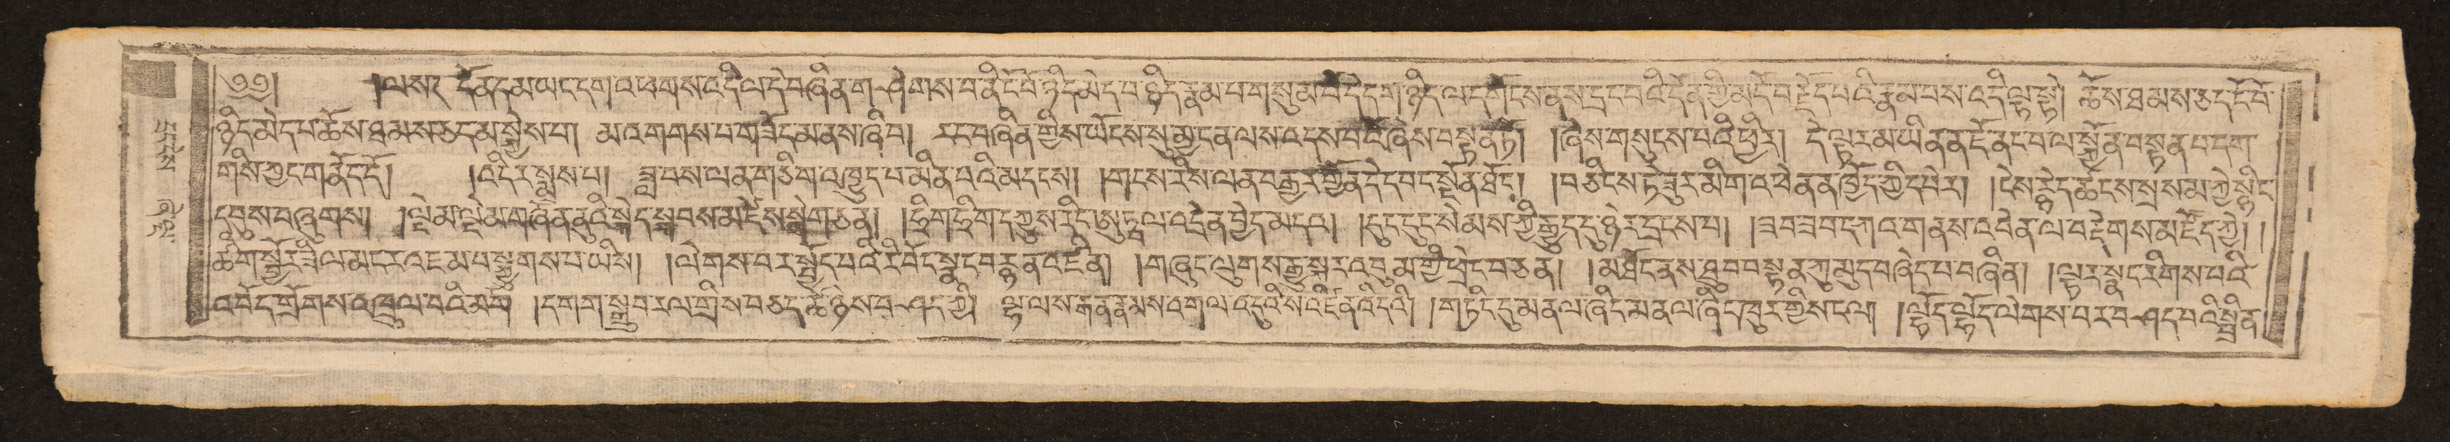༄༅། །ལས༑ དོན་དམ་ཡང་དག་འཕགས་འདི་ལ་དེ་བཞིན་གཤེགས་པ་ནི་ངོ་བོ་ཉིད་མེད་པ་ཉིད་རྣམ་པ་གསུམ་པོ་དེ་དག་ཉིད་ལ་དགོངས་ནས་དྲང་པའི་དོན་གྱི་མདོ་བརྗོད་པའི་རྣམ་པས་འདི་ལྟ་སྟེ། ཆོས་ཐམས་ཅད་ངོ་བོ་
ཉིད་མེད་པ་ཆོས་ཐམས་ཅད་མ་སྐྱེས་པ། མ་འགགས་པ་གཟོད་མ་ནས་ཞི་བ། རང་བཞིན་གྱིས་ཡོངས་སུ་མྱ་ངན་ལས་འདས་པའོ་ཞེས་བསྟན་ཏོ། །ཞེས་གསུངས་པའི་ཕྱིར། དེ་ལྟར་མ་ཡིན་ན་ཇོ་ནང་བ་ལ་སྐྱོན་བསྟན་པ་དག་
གིས་ཀྱང་གནོད་དོ། །འདིར་སྨྲས་པ། ཟླ་བས་ལན་གཅིག་འཁྱུད་པ་མིན་པའི་མདངས། །གངས་རིས་ལན་བརྒྱར་གྱོན་དེ་དབང་སྔོན་ཐོད། །བཅིངས་ཏེ་ཟུར་མིག་འཕེན་ན་ཁྱོད་ཀྱི་དཔེར། །ངེས་རྙེད་ཚངས་སྲས་མ་ཀྱེ་སྙིང་
དབུས་བཞུགས། །ལྡེམ་ལྡེམ་གཞོན་ནུའི་སྐེད་སྐབས་མཛེས་སྒེག་ཅན། །ཧྲིག་ཧྲིག་དཀྱུས་རིང་ཨུཏྤལ་འདྲེན་བྱེད་མདའ། །དུང་དུང་སེམས་ཀྱི་རྒྱུད་དུ་ཉེར་དྲངས་པ། །ཟབ་ཟབ་དཀའ་གནས་འབེན་ལ་བརྡེགས་མཛོད་ཀྱེ། །
ཚིག་སྦྱོར་ཟིལ་མངར་འཇམ་པ་སྐྱུགས་པ་ཡིས། །ལེགས་པར་སྤྱོད་པའི་རི་བོང་སྣང་བརྙན་འཛིན། །གཞུང་ལུགས་རྒྱུ་སྐར་འབུམ་གྱི་ཕྲེང་བ་ཅན། །མཐོང་ནས་ཐུབ་བསྟན་ཀུ་མུད་བཞེད་པ་བཞིན། །ལྟར་སྣང་རིགས་པའི་
འབོད་གྲོགས་འཁྲུལ་བའི་མགོ །དགག་སྒྲུབ་རལ་གྲིས་བཅད་ཚེ་ཉེས་བཤད་ཀྱི། ལྷ་ལས་རྒན་རྣམས་འགལ་འདུའི་ས་འཛིན་འདིའི། །གཏིང་དུ་མནལ་ཞིང་མནལ་ཞིང་ཁུར་གྱིས་ངལ། །ལྷོད་ལྷོད་ལེགས་པར་བཤད་པའི་སྤྲིན་